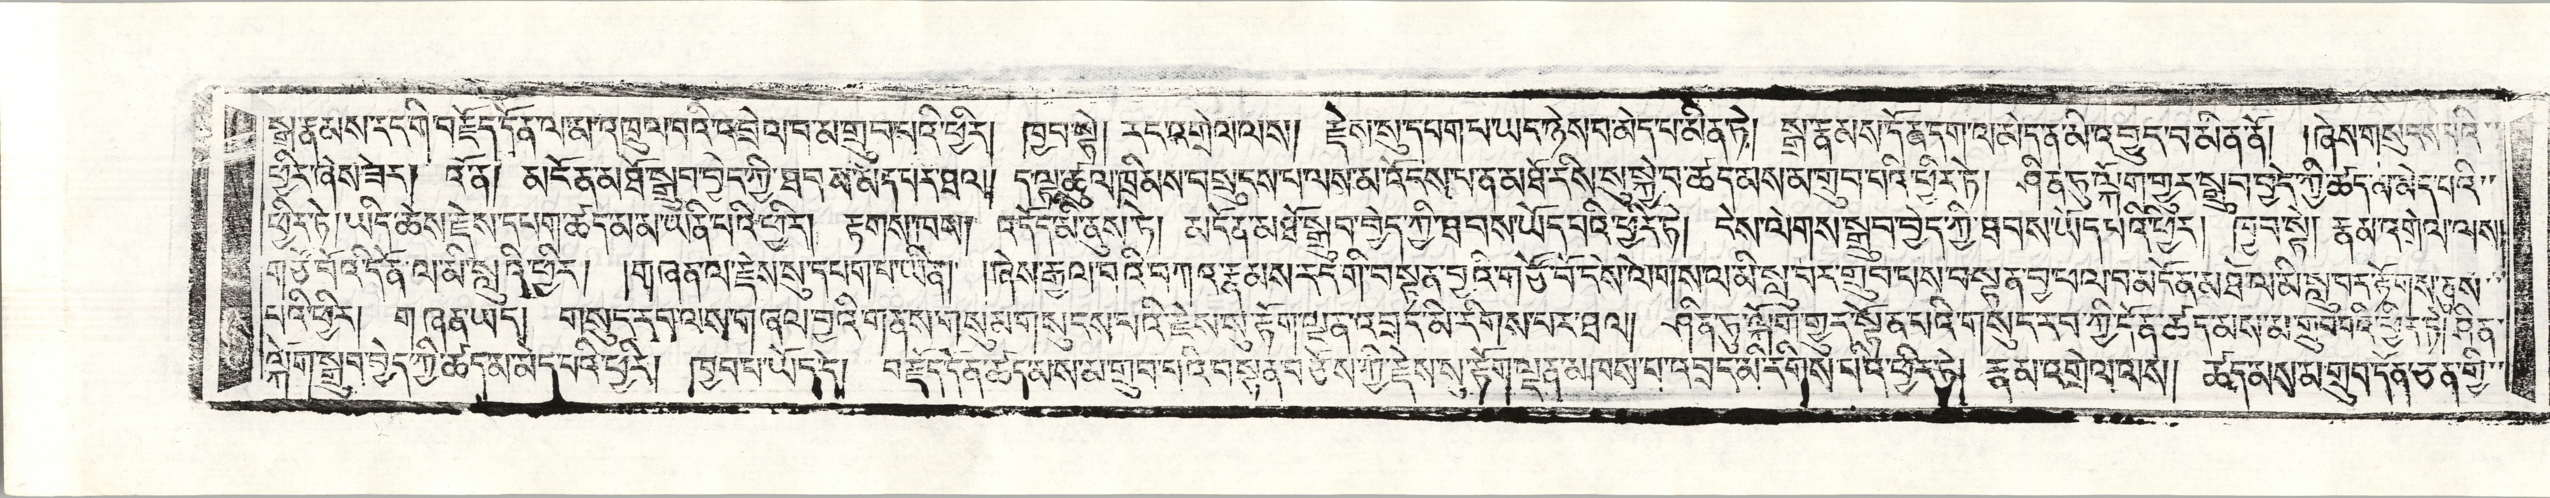སྒྲ་རྣམས་རང་གི་བརྗོད་དོན་ལ་མ་འཁྲུལ་བའི་འབྲེལ་བ་མ་གྲུབ་པའི་ཕྱིར། ཁྱབ་སྟེ། རང་འགྲེལ་ལས། རྗེས་སུ་དཔག་པ་ཡང་ཉེས་པ་མེད་པ་མིན་ཏེ། སྒྲ་རྣམས་དོན་དག་ལ་མེད་ན་མི་འབྱུང་བ་མིན་ནོ། །ཞེས་གསུངས་པའི་
ཕྱིར་ཞེས་ཟེར། འོ་ན། མངོན་མཐོ་སྒྲུབ་བྱེད་ཀྱི་ཐབས་མེད་པར་ཐལ། ད་ལྟ་ཚུལ་ཁྲིམས་བསྲུངས་པ་ལས་མ་འོངས་པ་ན་མཐོ་རིས་སུ་སྐྱེ་བ་ཚད་མས་མ་གྲུབ་པའི་ཕྱིར་ཏེ། ཤིན་ཏུ་ལྐོག་གྱུར་སྒྲུབ་བྱེད་ཀྱི་ཚད་མ་མེད་པའི་
ཕྱིར་ཏེ། ཡིད་ཆེས་རྗེས་དཔག་ཚད་མ་མ་ཡིན་པའི་ཕྱིར། རྟགས་ཁས། འདོད་མི་ནུས་ཏེ། མངོན་མཐོ་སྒྲུབ་བྱེད་ཀྱི་ཐབས་ཡོད་པའི་ཕྱིར་ཏེ། ངེས་ལེགས་སྒྲུབ་བྱེད་ཀྱི་ཐབས་ཡོད་པའི་ཕྱིར། ཁྱབ་སྟེ། རྣམ་འགྲེལ་ལས།
གཙོ་བོའི་དོན་ལ་མི་སླུའི་ཕྱིར། །གཞན་ལ་རྗེས་སུ་དཔག་པ་ཡིན། །ཞེས་རྒྱལ་བའི་བཀའ་རྣམས་རང་གི་བསྟན་བྱའི་གཙོ་བོ་ངེས་ལེགས་ལ་མི་སླུ་བར་གྲུབ་པས་བསྟན་བྱ་ཕལ་བ་མངོན་མཐོ་ལ་མི་སླུ་བར་རྟོགས་ནུས་
པའི་ཕྱིར། གཞན་ཡང་། གསུང་རབ་ལས་གཞལ་བྱའི་གནས་གསུམ་གསུངས་པའི་རྗེས་སུ་རྟོག་ལྡན་འབྲང་མི་རིགས་པར་ཐལ། ཤིན་ཏུ་ལྐོག་གྱུར་སྟོན་པའི་གསུང་རབ་ཀྱི་དོན་ཚད་མས་མ་གྲུབ་པའི་ཕྱིར་ཏེ། ཤིན་
ལྐོག་སྒྲུབ་བྱེད་ཀྱི་ཚད་མ་མེད་པའི་ཕྱིར། ཁྱབ་པ་ཡོད་དེ། བརྗོད་དོན་ཚད་མས་མ་གྲུབ་པའི་བསྟན་བཅོས་ཀྱི་རྗེས་སུ་རྟོག་ལྡན་མཁས་པ་འབྲང་མི་རིགས་པའི་ཕྱིར་ཏེ། རྣམ་འགྲེལ་ལས། ཚད་མས་མ་གྲུབ་དོན་ཅན་གྱི། །